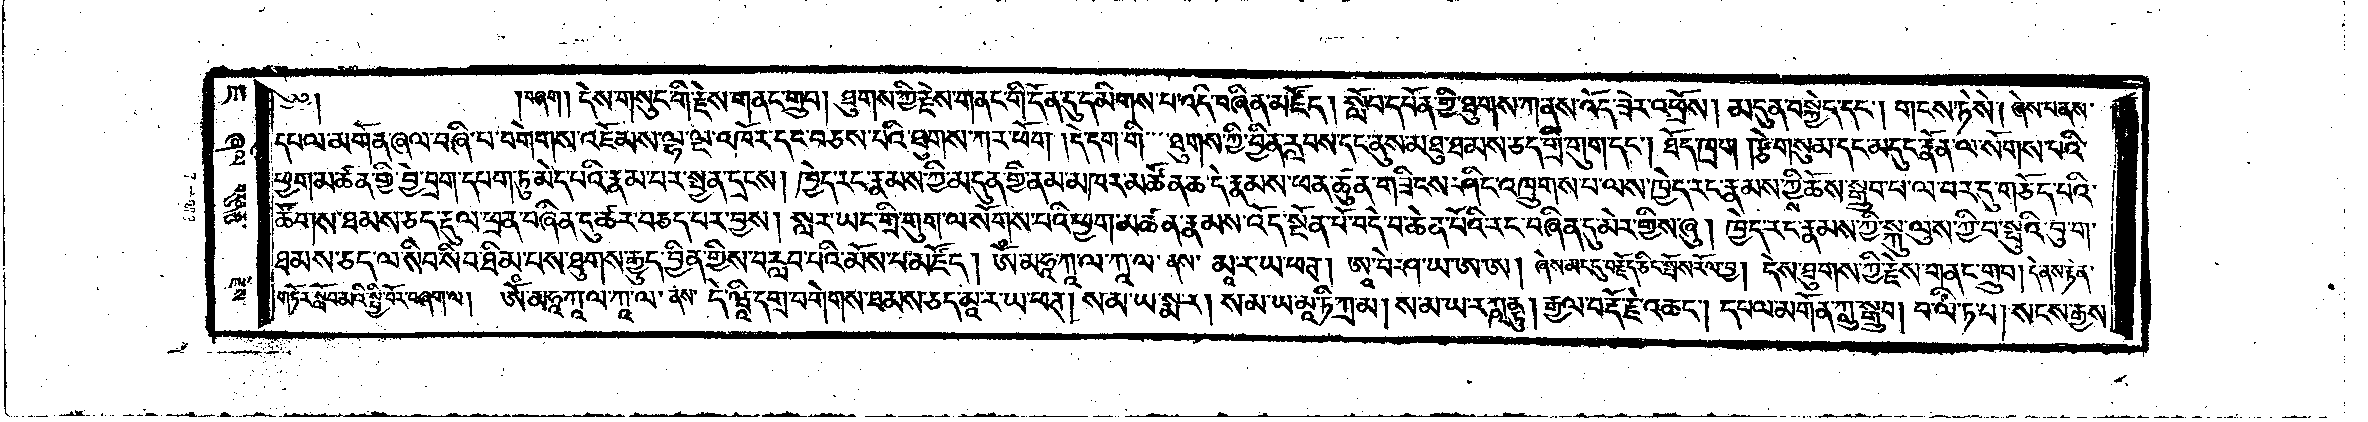༄༅། །བཞག ། དེས་གསུང་གི་རྗེས་གནང་གྲུབ། ཐུགས་ཀྱི་རྗེས་གནང་གི་དོན་དུ་དམིགས་པ་འདི་བཞིན་མཛོད། སློབ་དཔོན་གྱི་ཐུགས་ཀ་ནས་འོད་ཟེར་འཕྲོས། མདུན་བསྐྱེད་དང་། གངས་ཏེ་སེ། ཞེས་པ་ནས།
དཔལ་མགོན་ཞལ་བཞི་པ་བགེགས་འཇོམས་ལྷ་ལྔ་འཁོར་དང་བཅས་པའི་ཐུགས་ཀར་ཕོག །དེ་དག་གི་ཐུགས་ཀྱི་བྱིན་རླབས་དང་ནུས་མཐུ་ཐམས་ཅད་གྲི་གུག་དང་། ཐོད་ཁྲག །རྩེ་གསུམ་དང་མདུང་རྣོན་ལ་སོགས་པའི་
ཕྱག་མཚན་གྱི་བྱེ་བྲག་དཔག་ཏུ་མེད་པའི་རྣམ་བར་སྤྱན་དྲངས། ཁྱེད་རང་རྣམས་ཀྱི་མདུན་གྱི་ནམ་མཁར་མཚོན་ཆ་དེ་རྣམས་ཕན་ཚུན་གཟིངས་ཤིང་འཁྲུགས་པ་ལས་ཁྱེད་རང་རྣམས་ཀྱིས་ཆོས་སྒྲུབ་པ་ལ་བར་དུ་གཅོད་པའི་
ཚོགས་ཐམས་ཅད་རྡུལ་ཕྲན་བཞིན་དུ་ཚར་བཅད་པར་བྱས། སླར་ཡང་གྲི་གུག་ལ་སོགས་པའི་ཕྱག་མཚན་རྣམས་འོད་སྔོན་པོ་བདེ་བ་ཆེན་པོའི་རང་བཞིན་དུ་མེར་གྱིས་ཞུ། ཁྱེད་རང་རྣམས་ཀྱི་སྐུ་ལུས་ཀྱི་བ་སྤུའི་བུ་ག་
ཐམས་ཅད་ལ་སིབ་སིབ་ཐིམ་པས་ཐུགས་རྒྱུད་བྱིན་གྱིས་བརླབ་པའི་མོས་མཛོད། ཨོཾ་མཧཱ་ཀཱ་ལ་ཀཱ་ལ་ནས་མཱ་ར་ཡ་ཕཊ། ཨཱ་བེ་ཤ་ཡ་ཨ་ཨ། ཞེས་མང་དུ་བརྗོད་ཅིང་སྤོས་རོལ་བྱ།  དེས་ཐུགས་ཀྱི་རྗེས་གནང་གྲུབ། དེ་ནས་རྟེན་
གཏོར་སློབ་མའི་སྤྱི་བོར་བཞག་པ། ཨོཾ་མྷཱ་ཀཱ་ལ་ཀཱ་ལ་ནས་དེ་ཝཱི་དགྲ་བགེགས་ཐམས་ཅད་མཱ་ར་ཡ་ཕཊ། ས་མ་ཡ་སྨ་ར། ས་མ་ཡ་མཱ་ཏི་ཀྲ་མ། ས་མ་ཡ་རཀྵནྟུ། རྒྱལ་བ་རྡོ་རྗེ་འཆང་། དཔལ་མགོན་ཀླུ་སྒྲུབ། བ་ལི་ཏ་པ། སངས་རྒྱས་